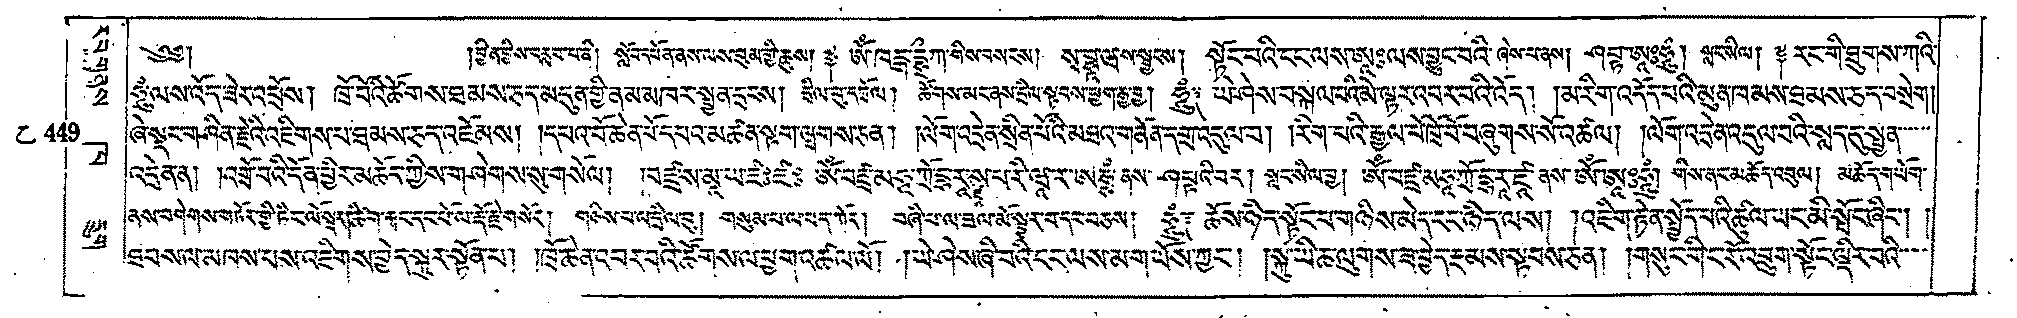༄༅། །བྱིན་གྱིས་བརླབ་པ་ནི། སློབ་དཔོན་ནས་ལས་བུམ་གྱི་ཆུས།  འ་ཨོཾ་ཁངྒ་དྷྲྀཀ་གིས་བསངས།  སྭ་བྷཱ་ཝས་སྦྱངས། སྟོང་པའི་ངང་ལས་ཨཱཿལས་བྱུང་བའི་ཞེས་པ་ནས།  ཤཔྟ་ཨཱཿཧཱུཾ། སླངས་སིལ།  ༈ རང་གི་ཐུགས་ཀའི་
ཧཱུཾ་ལས་འོད་ཟེར་འཕྲོས། ཁོར་བོའི་ཚོགས་ཐམས་ཅད་མདུན་གྱི་ནམ་མཁར་སྤྱན་དྲངས། དྲིལ་བུ་དཀྲོལ། ཚོགས་མང་ནས་དྲིལ་སྟབས་ཕྱག་རྒྱ་བྱ།  ཧཱུཾ༑ ཡེ་ཤེས་བསྐལ་པའི་མེ་ལྟར་འབར་པའི་འོད། །མ་རིག་འདོད་པའི་མུན་ཁམས་ཐམས་ཅད་བསྲེག།
ཞེ་སྡང་གཤིན་རྗེའི་འཇིགས་པ་ཐམས་ཅད་འཇོམས། །དཔའ་བོ་ཆེན་པོ་དཔའ་མཚན་སྟག་ལྤགས་ཅན། །ལོག་འདྲེན་སྲིན་པོའི་མཐའ་གནོན་དགྲ་འདུལ་བ། །རིག་པའི་རྒྱལ་པོ་ཁྲོ་བོ་བཞུགས་སོ་འཚལ། །ལོག་འདྲེན་འདུལ་བའི་སླད་དུ་སྤྱན་
འདྲེན་ན། །འགྲོ་བའི་དོན་ཕྱིར་མཆོད་ཀྱིས་གཤེགས་སུ་གསོལ། །བཛྲ་ས་མཱ་ཡ་ཛཿཛཿཨོཾ་བཛྲ་མཧཱ་ཀྲོ་དྷ་རཱ་ཛཱ་ས་པ་རི་ཝཱ་ར་ཨརྒྷཾ་ནས་ཤཔྟའི་བར། སླང་སིལ་བྱ། ཨོཾ་བཛྲ་མཧཱ་ཀྲོ་དྷ་རཱ་ཛཱ་ནས་ཨོཾ་ཨཱཿཧཱུཾ། གིས་ནང་མཆོད་འབུལ། མཆོད་གཡོག་
ནས་བགེགས་གཏོར་གྱི་ཏིང་ལོ་སྦར་ཚིག་རྐང་དང་པོ་ལ་རྡོ་རྗེ་གསོར། གཉིས་པ་ལ་དྲིལ་བུ། གསུམ་པ་ལ་པད་ཀོར། བཞི་པ་ལ་ཐལ་མོ་སྦྱར་བ་དང་བཅས། ཧཱུཾ༑ ཆོས་ཉིད་སྟོང་པ་གཉིས་མེད་ངང་ཉིད་ལས། །འཇིག་རྟེན་སྤྱོད་པའི་ཚུལ་ཡང་མི་སྤོང་ཞིང་། །
ཐབས་ལ་མཁས་པས་འཇིགས་བྱེད་སྐུར་སྟོན་པ། །ཁྲོ་ཆེན་འབར་བའི་ཚོགས་ལ་ཕྱག་འཚལ་ལོ། །ཡེ་ཤེས་ཞི་བའི་ངང་ལས་མ་གཡོགས་ཀྱང་། །སྐུ་ཡི་ཆ་ལུགས་ཟ་བྱེད་རྔམས་སྟབས་ཅན། །གསུང་གི་ང་རོ་འབྲུག་སྟོང་ལྡིར་བའི་